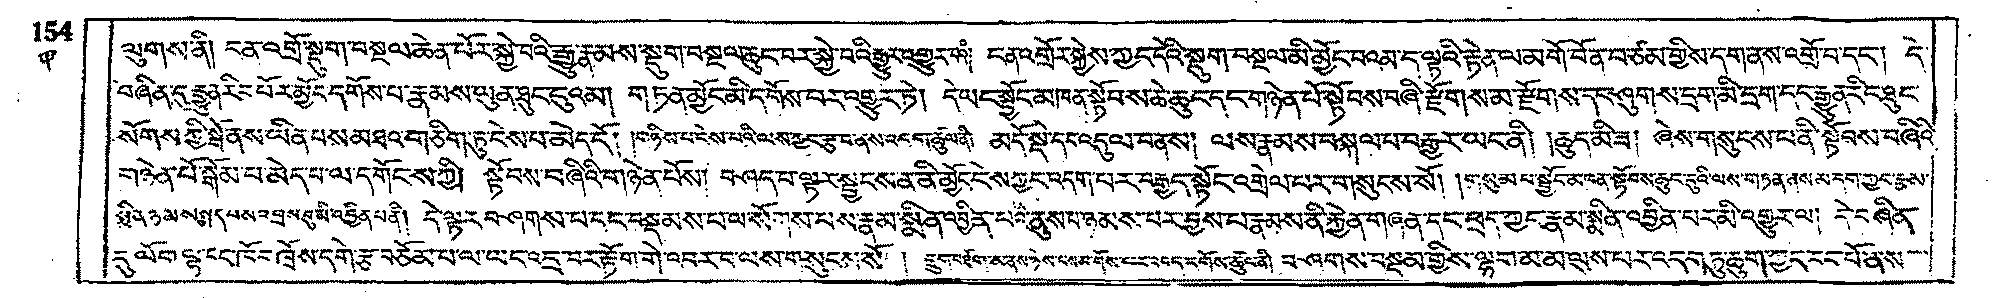ལུགས་ནི། ངན་འགྲོ་སྡུག་བསྔལ་ཆེན་པོར་སྐྱེ་བའི་རྒྱུ་རྣམས་སྡུག་བསྔལ་ཆུང་བར་སྐྱེ་བའི་རྒྱུར་འགྱུར་བའོ། ངན་འགྲོར་སྐྱེས་ཀྱང་དེའི་སྡུག་བསྔལ་མི་མྱོང་བའམ་ད་ལྟའི་རྟེན་ལ་མགོ་བོ་ན་བ་ཙམ་གྱིས་དག་ནས་འགྲོ་བ་དང་། དེ་
བཞིན་དུ་རྒྱུན་རིང་པོར་མྱོང་དགོས་པ་རྣམས་ཡུན་ཐུང་དུའམ། གཏན་མྱོང་མི་དགོས་པར་འགྱུར་ཏེ། དེ་ཡང་སྦྱོང་མཁན་སྟོབས་ཆེ་ཆུང་དང་གཉེན་པོ་སྟོབས་བཞི་རྫོགས་མ་རྫོགས་དང་ཤུགས་དྲག་མི་དྲག་དང་རྒྱུན་རིང་ཐུང་
སོགས་ཀྱི་སྒོ་ནས་ཡིན་པས་མཐའ་གཅིག་ཏུ་ངེས་པ་མེད་དོ། ། གཉིས་པ་ངེས་པའི་ལས་ཀྱང་རྩ་བ་ནས་འདག་ཚུལ་ནི། མདོ་སྡེ་དང་འདུལ་བ་ནས། ལས་རྣམས་བསྐལ་པ་བརྒྱར་ཡང་ནི། །ཆུད་མི་ཟ། ཞེས་གསུངས་པ་ནི་སྟོབས་བཞིའི་
གཉེན་པོ་སྒོམ་པ་མེད་པ་ལ་དགོངས་ཀྱི། སྟོབས་བཞིའི་གཉེན་པོས། བཤད་པ་ལྟར་སྦྱངས་ན་ནི་མྱོང་ངེས་ཀྱང་འདག་པར་བརྒྱད་སྟོང་འགྲེལ་པར་གསུངས་སོ། །གསུམ་པ་སྦྱོང་མཁན་སྟོབས་ཆུང་དུའི་ལས་གཏན་ནས་མ་དག་ཀྱང་རྣམ་
སྨིན་ཉམས་སྨན་པས་འབྲས་བུ་མི་འབྱིན་པ་ནི། དེ་ལྟར་བཤགས་པ་དང་བསྡམས་པ་ལ་སོགས་པས་རྣམ་སྨིན་འབྱིན་པའི་ནུས་པ་ཉམས་པར་བྱས་པ་རྣམས་ནི་རྐྱེན་གཞན་དང་ཕྲད་ཀྱང་རྣམ་སྨིན་འབྱིན་པར་མི་འགྱུར་ལ། དེ་བཞིན་
དུ་ལོག་ལྟ་དང་ཁོང་ཁྲོས་དགེ་རྩ་བཅོམ་པ་ལ་ཡང་འདྲ་བར་རྟོག་གེ་འབར་བ་ལས་གསུངས་སོ། ། དྲུག་པ་ཐོག་མ་ནས་ཉེས་པས་མ་གོས་པར་འབད་དགོས་ཚུལ་ནི། བཤགས་བསྔམ་གྱིས་ལྷག་མ་མ་ལུས་པར་འདག་ཏུ་ཆུ་ག་ཀྱང་ནང་པོ་ནས་